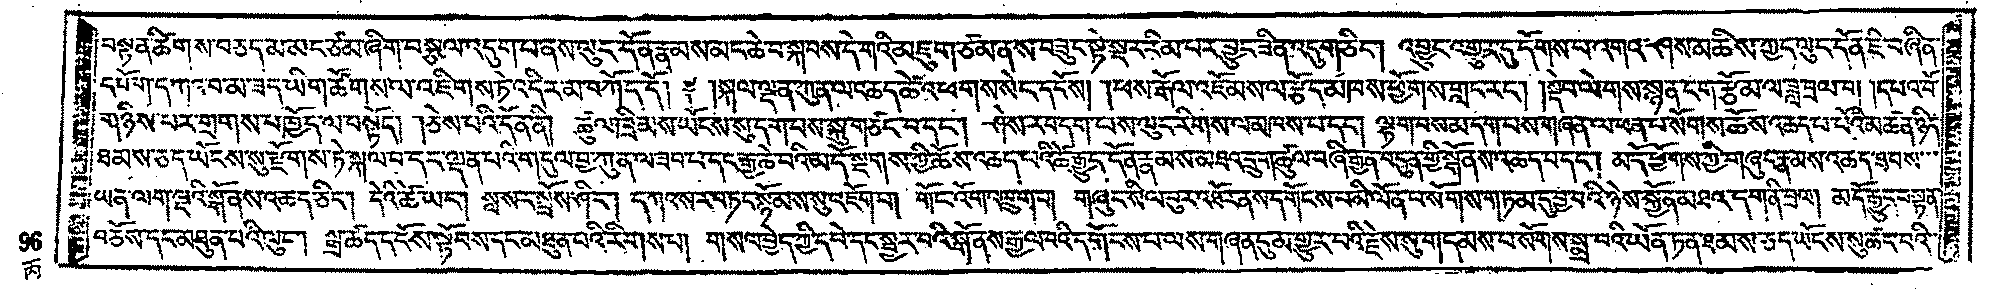བསྟན་ཚིགས་བཅད་མ་མང་ཙམ་ཞིག་བསྩལ་འདུག་པ་ནས་ལུང་དོན་རྣམས་མང་ཆེ་བ་སྐབས་དེ་གའི་མཇུག་ཙམ་ནས་བཟུང་སྟེ་སྔར་རིམ་པར་བྱུང་ཟིན་འདུག་ཅིང་། འབྱུང་འགྱུར་དུ་དོགས་པ་འགའ་ཤས་མཆིས་ཀྱང་ལུང་དོན་ཇི་བཞིན་
དཔོག་དཀའ་བ་མ་ཟད་ཡིག་ཚོགས་ལ་འཇིགས་ཏེ་འདིར་མ་བཀོད་དོ། ༈ །སྐལ་ལྡན་ཀུན་ལ་འཆད་ཚེ་འཕངས་སེང་དངོས། །ཕས་རྒོལ་འཇོམས་ལ་རྩོད་མཁས་ཕྱོགས་གླང་རང་། །སྡེབ་ལེགས་སྙན་ངག་རྩོམ་ལ་ཟླ་བྲལ་བ། །དཔའ་བོ་
གཉིས་པར་གྲགས་པ་ཁྱོད་ལ་བསྟོད། །ཅེས་པའི་དོན་ནི། ཚུལ་ཁྲིམས་ཡོངས་སུ་དག་པས་སྐུ་གཙང་བ་དང་། ཤེས་རབ་དག་པས་ལུང་རིགས་ལ་མཁས་པ་དང་། ལྷག་བསམ་དག་པས་གཞན་ལ་ཕན་པ་སོགས་ཆོས་འཆད་པ་པོའི་མཚན་ཉིད་
ཐམས་ཅད་ཡོངས་སུ་རྫོགས་ཏེ་སྐལ་པ་དང་ལྡན་པའི་གདུལ་བྱ་ཀུན་ལ་ཟབ་པ་དང་རྒྱ་ཆེ་བའི་མདོ་སྔགས་ཀྱི་ཆོས་འཆད་པའི་ཚེ་རྒྱུད་དོན་རྣམས་མཐའ་དྲུག་ཚུལ་བཞི་རྒྱན་བདུན་གྱི་སྒོ་ནས་འཆད་པ་དང་། མདོ་ཕྱོགས་ཀྱི་གཞུང་རྣམས་འཆད་ཐབས་
ཡན་ལག་ལྔའི་སྒོ་ནས་འཆད་ཅིང་། དེའི་ཚེ་ཡང་། སླ་སར་སྤྲོས་ཤིང་། དཀའ་སར་བཏང་སྙོམས་སུ་འཇོག་པ། གོང་འོག་འཁྲུག་པ། གཞུང་སིལ་བུར་འཐོར་ནས་དགོངས་པ་མི་ལོན་པ་སོགས་གཏམ་དུ་བྱ་བའི་ཉེས་སྐྱོན་མཐའ་དག་ནི་བྲལ། མདོ་རྒྱུད་བསྟན་
བཅོས་དང་མཐུན་པའི་ལུང་། སྒྲ་ཚད་དངོས་སྟོབས་དང་མཐུན་པའི་རིགས་པ། གསལ་བྱེད་ཀྱི་དཔེ་དང་སྦྱར་བའི་སྒོ་ནས་རྒྱལ་བའི་དགོངས་པ་ལས་གཞན་དུ་མ་གྱུར་པའི་རྗེས་སུ་གདམས་པ་སོགས་སྨྲ་བའི་ཡོན་ཏན་ཐམས་ཅད་ཡོངས་སུ་ཚང་བའི་